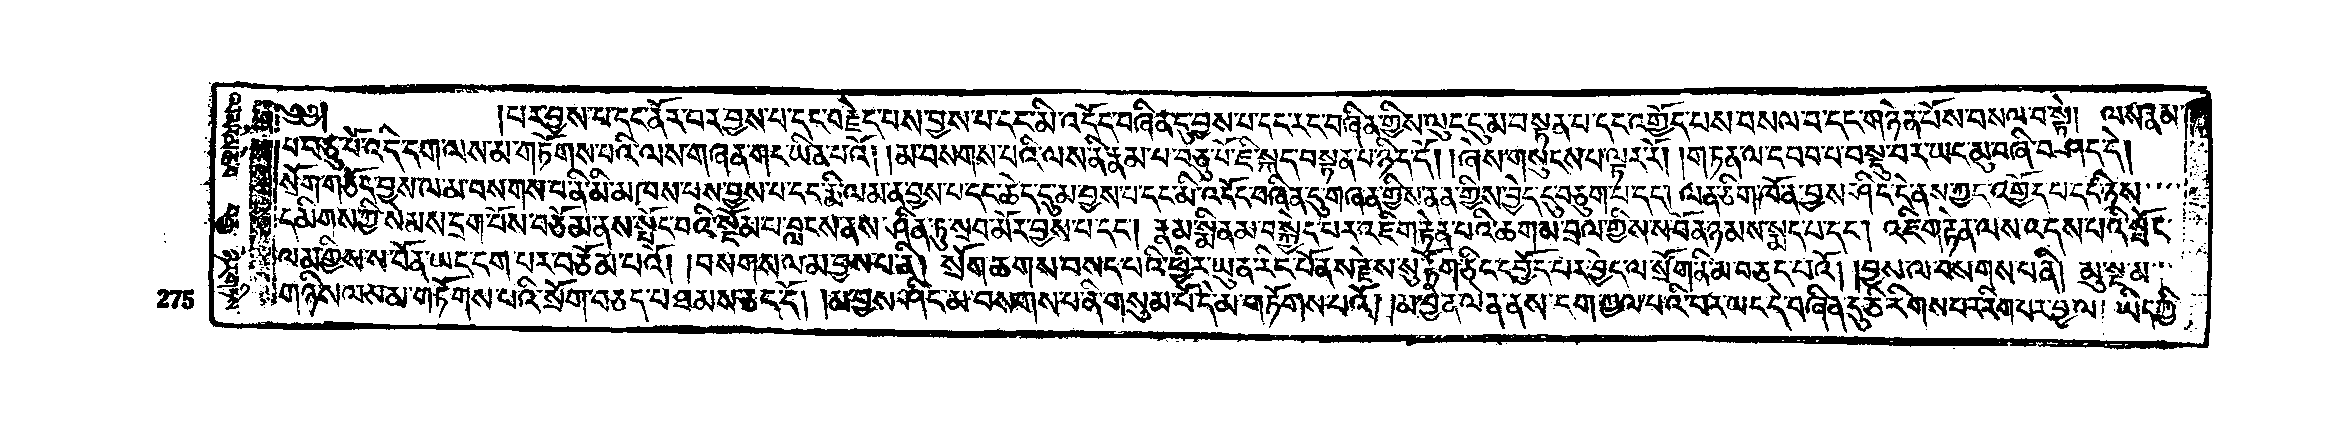༄༅། །པར་བྱས་པ་དང་ནོར་བར་བྱས་པ་དང་བརྗེད་པས་བྱས་པ་དང་མི་འདོད་བཞིན་དུ་བྱས་པ་དང་རང་བཞིན་གྱིས་ལུང་དུ་མ་བསྟན་པ་དང་འགྱོད་པས་བསལ་བ་དང་གཉེན་པོས་བསལ་བ་སྟེ། ལས་རྣམ་
པ་བཅུ་པོ་འདི་དག་ལས་མ་གཏོགས་པའི་ལས་གཞན་གང་ཡིན་པའོ། །མ་བསགས་པའི་ལས་ནི་རྣམ་པ་བཅུ་པོ་ཇི་སྐད་བསྟན་པ་ཉིད་དོ། །ཞེས་གསུངས་པ་ལྟར་རོ། །གཏན་ལ་དབབ་པ་བསྡུ་བར་ཡང་མུ་བཞི་བཤད་དེ།
སྲོག་གཅོད་བྱས་ལ་མ་བསགས་པ་ནི་མི་མཁས་པས་བྱས་པ་དང་རྨི་ལམ་ན་བྱས་པ་དྣག་ཆེད་དུ་མ་བྱས་པ་དང་མི་འདོད་བཞིན་དུ་གཞན་གྱིས་ནན་གྱིས་བྱེད་དུ་བཅུག་པ་དང་། ལན་ཅིག་ཁོ་ན་བྱས་ཤིང་དེ་ནས་ཀྱང་འགྱོད་པ་དང་ཉེས་
དམིགས་ཀྱི་སེམས་དྲག་པོས་བཅོམ་ནས་སྤོང་བའི་སྡོམ་པ་བླངས་ནས་ཤིན་ཏུ་སྲབ་མོར་བྱས་པ་དང་། རྣམ་སྨིན་མ་བསྐྱེད་པར་འཇིག་རྟེན་པའི་ཆགས་བྲལ་གྱིས་ས་བོན་ཉམས་སྨད་པ་དང་། འཇིག་རྟེན་ལས་འདས་པའི་སྤོང་
ལམ་གྱིས་ས་བོན་ཡང་དག་པར་བཅོམ་པའོ། །བསགས་ལ་མ་བྱས་པ་ནི། སྲོག་ཆགས་བསད་པའི་ཕྱིར་ཡུན་རིང་པོ་ནས་རྗེས་སུ་རྟོག་ཅིང་དཔྱོད་པར་བྱེད་ལ་སྲོག་ནི་མ་བཅད་པའོ། །བྱས་ལ་བསགས་པ་ནི། མུ་སྔ་མ་
གཉིས་ལས་མ་གཏོགས་པའི་སྲོག་བཅད་པ་ཐམས་ཅད་དོ། །མ་བྱས་ཤིང་མ་བསགས་པ་ནི་གསུམ་པོ་དེ་མ་གཏོགས་པའོ། །མ་བྱིན་ལེན་ནས་ངག་ཀྱལ་པའི་བར་ཡང་དེ་བཞིན་དུ་ཅི་རིགས་པར་རིག་པར་བྱ་ལ། ཡིད་ཀྱི་